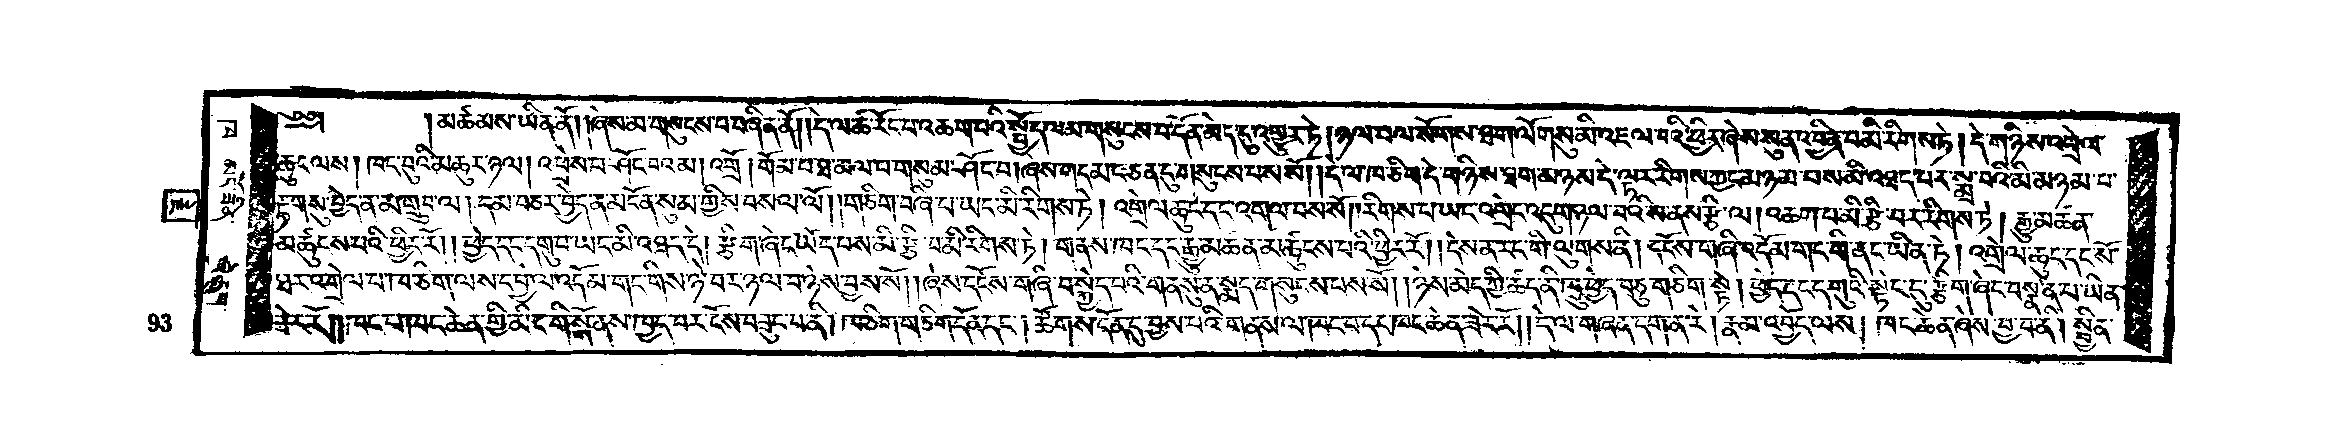༄༅། །མཚམས་ཡིན་ནོ། །ཞེས་མ་གསུངས་པ་བཞིན་ནོ། །དེ་ལ་ཚ་རོང་པ་འཆག་པའི་སྤྱོད་ལམ་གསུངས་པ་དོན་མེད་དུ་འགྱུར་ཏེ། ཉལ་བ་ལ་སོགས་ཐག་ལོགས་སུ་མི་འཇལ་བའི་ཕྱིར་ཞེས་སུན་འབྱིན་པ་མི་རིགས་ཏེ། དེ་གཉིས་འགྲེལ་
ཆུང་ལས། ཁང་བུའི་མཆུར་ཉལ། འཕྲེས་པ་ཤོང་བའམ། འགྲོ། གོམ་པ་ཐ་མལ་པ་གསུམ་ཤོང་བ། ཞེས་གདམ་ང་ཅན་དུ་གསུངས་པས་སོ། །དེ་ལ་ཁ་ཅིག་དེ་གཉིས་ཐག་མཉམ་དེ་ལྟར་རིགས་ཀྱང་མཉམ་པས་མི་འཐད་པར་སྨྲ་བའི་མི་མཉམ་པ་
རྟགས་སུ་བྱེད་ན་མ་གྲུབ་ལ། དམ་བཅར་བྱེད་ན་མངོན་སུམ་གྱིས་བསལ་ལོ། །གཅིག་བཞི་པ་ཡང་མི་རིགས་ཏེ། འགྲེལ་ཆུང་དང་འགལ་བས་སོ། །རིགས་པ་ཡང་འགྲེང་འདུག་ཉལ་བའི་ས་ནས་རྩི་ལ། འཆག་པ་མི་རྩི་བར་རིགས་ཏེ། རྒྱུ་མཚན་
མཚུངས་པའི་ཕྱིར་རོ། །ཕྱེད་དང་དགུ་པ་ཡང་མི་འཐད་དེ། རྩིག་ཞེང་ཡོད་པས་མི་རྩི་པ་མི་རིགས་ཏེ། གནས་ཁང་དང་རྒྱུ་མཚན་མཚུངས་པའི་ཕྱིར་རོ། །དེས་ན་རང་གི་ལུགས་ནི། དངོས་གཞི་འདོམ་གང་གི་ནང་ཡིན་ཏེ། འགྲེལ་ཆུང་དང་སོ་
ཐར་འགྲེལ་པ་ཁ་ཅིག་ལས་དབྱེ་ལ་འདོམ་གང་གིས་ཉེ་བར་ཉལ་བ་ཉེས་བྱས་སོ། །ཞེས་དངོས་གཞི་བསྐྱེད་པའི་གནས་སུ་ན་སྨད་གསུངས་པས་སོ། །ཉེས་མེད་ཀྱི་ཚད་ནི་ཁྲུ་ཕྱེད་བཅུ་གཅིག་སྟེ། ཕྱེད་དང་དགུའི་སྟེང་དུ་རྩི་གཞེང་བསྣན་པ་ཡིན་
ཟེར་རོ། །ཁང་པ་ཁང་ཆེན་གྱི་མིང་གི་སྒོ་ནས་ཁྱད་པར་ངོས་བཟུང་པ་ནི། ཁ་ཅིག་གཅིག་དོན་དང་། ཚོགས་དོན་དུ་བྱས་པའི་གནས་ལ་ཁང་པ་དང་ཁང་ཆེན་ཟེར་རོ། །དེ་ལ་གཞན་དག་ན་རེ། རྣམ་འབྱེད་ལས། ཁང་ཆེན་ཞེས་བྱ་བ་ནི། སྦྱིན་